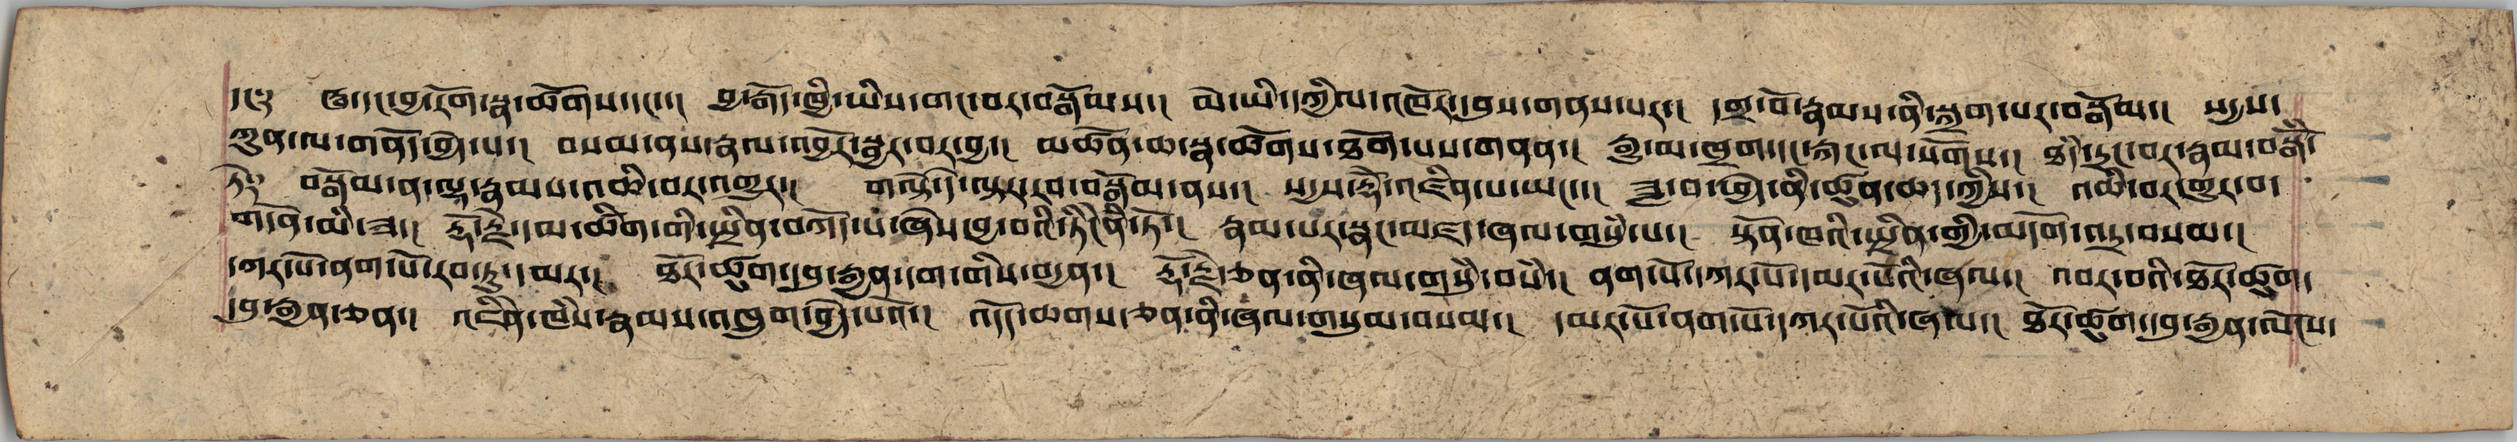དང་༑ ཝ་དང་བྱ་རོག་སྣ་ཚོགས་དང་་། བྱ་རྒོད་ཁྱི་ཡིས་གང་བར་བསྒོམས་། མེ་ཡི་དཀྱིལ་འཁོར་དབུས་གནས་པར་། དགྲ་བོ་རྣམས་ནི་སྐྲག་པར་བསྒོམ་། སདྱས་
ཀུན་ལ་གནོད་བྱེད་པ་། བསམ་ནས་རྣལ་འབྱོར་སྦྱར་བར་བྱ་། མཚོན་ཆ་སྣ་ཚོགས་ཐོག་པས་གནན་། རྒྱུ་མ་ཁྲག་དང་རྐང་ལ་སོགས་། ཐཾད་དྲང་བར་རྣམ་བསྒོ
ཏེ༑ བསྒོམ་ན་ལྷ་རྣམས་འཆི་བར་འགྱུར་། གལྟེ་དེ་ལྟར་རབ་བསྒོམ་ནས་། སདྱས་རྡོེ་འཛིན་པ་ཡང་་། ཟླ་བ་ཕྱེད་ནི་ཚུན་ཆད་ཀྱིས་། འཆི་བར་གྱུར་པ་
གདོན་མི་ཟ་། རྡོ་རྗེ་དམ་ཚིག་གི་སྤྲིན་བཀོད་པ་ཞེས་བྱ་བའི་ཏིངེཛིན་ཏོ་། རྣམ་པར་སྣང་མཛད་ཞལ་གསུཾ་པ་། སྟོན་ཁའི་སྤྲིན་གྱི་མདོག་འདྲ་བསམ་།
དཀར་པོ་ནག་པོ་རབ་ཏུ་དམར་། ཐོར་ཚུག་དབུ་རྒྱན་དག་གིས་བདྱན་། རྡོ་རྗེ་ཅན་ནི་ཞལ་གསུཾ་བསཾ་། ནག་པོ་དཀར་པོ་དམར་པོའི་ཞལ་། འབར་བའི་ཐོར་ཚུག་
དབུ་རྒྱན་ཅན་། འཇིེན་ཁཾས་རྣམས་འཁྲུག་བྱེད་པའོ་། འདོད་ཆགས་ཅན་ནི་ཞལ་གསུམ་བསམ་། དམར་པོ་ནག་པོ་དཀར་པོའི་ཞལ་། ཐོར་ཚུག་དབུ་རྒྱན་ལོངས་